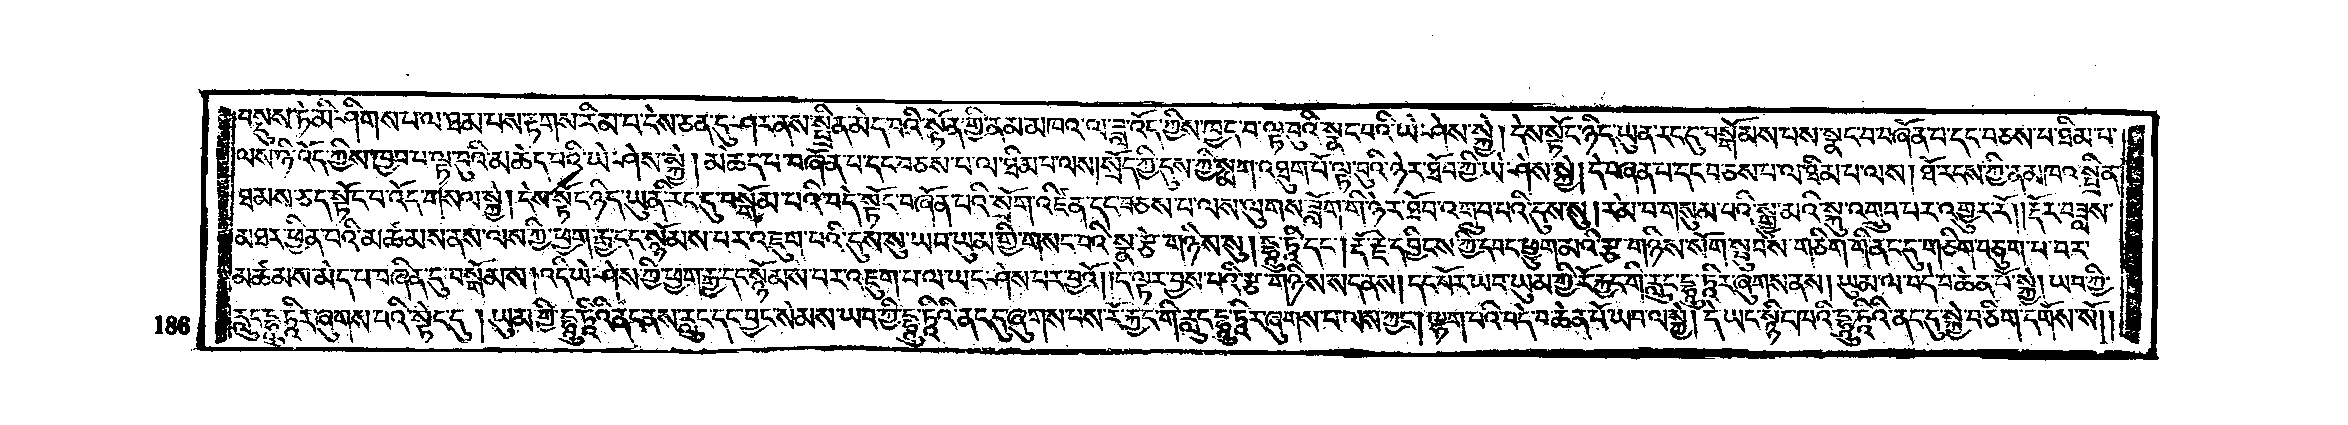བསྡུས་ཏེ་མི་ཤིགས་པ་ལ་ཐིམ་པས་རྟགས་རིམ་པ་ངེས་ཅན་དུ་ཤར་ནས་སྤྲིན་མེད་པའི་སྟོན་གྱི་ནམ་མཁའ་ལ་ཟླ་འོད་ཀྱིས་ཁྱབ་བ་ལྟ་བུའི་སྣང་བའི་ཡེ་ཤེས་སྐྱེ། དེས་སྟོང་ཉིད་ཡུན་རིང་དུ་བསྒོམས་པས་སྣང་བ་བཞོན་པ་དང་བཅས་པ་ཐིམ་པ་
ལས་ཉི་འོད་ཀྱིས་ཁྱབ་པ་ལྟ་བུའི་མཆེད་པའི་ཡེ་ཤེས་སྐྱེ། མཆེད་པ་བཞོན་པ་དང་བཅས་པ་ལ་ཐིམ་པ་ལས། སྲོད་ཀྱི་དུས་ཀྱི་སྨག་འཐུག་པོ་ལྟ་བུའི་ཉེར་ཐོབ་ཀྱི་ཡེ་ཤེས་སྐྱེ། དེ་བཞིན་པ་དང་བཅས་པ་ལ་ཐིམ་པ་ལས། ཐོ་རངས་ཀྱི་ནམ་མཁའ་སྤྲིན་
ཐམས་ཅད་སྟོང་པ་འོད་གསལ་སྐྱེ། དེས་སྟོང་ཉིད་ཡུན་རིང་དུ་བསྒོམ་པའི་བདེ་སྟོང་བཞོན་པའི་སྲོག་འཛིན་དང་བཅས་པ་ལས་ལུགས་ཟློག་གི་ཉེར་ཐོབ་འགྲུབ་བའི་དུས་སུ། རིམ་པ་གསུམ་པའི་སྒྱུ་མའི་སྐུ་འགྲུབ་པར་འགྱུར་རོ། །རྡོར་བཟླས་
མཐར་ཕྱིན་པའི་མཚམས་ནས་ལས་ཀྱི་ཕྱག་རྒྱ་དང་སྙོམས་པར་འཇུག་པའི་དུས་སུ་ཡབ་ཡུམ་གྱི་གསང་བའི་སྣ་རྩེ་གཉིས་སུ། དྷཱུ་ཏཱི་དང་། རྡོ་རྗེ་དབྱིངས་ཀྱི་དབང་ཕྱུག་མའི་རྩ་གཉིས་སོག་སྦུབས་གཅིག་གི་ནང་དུ་གཅིག་བཅུག་པ་བར་
མཚམས་མེད་པ་བཞིན་དུ་བསྒོམས། འདི་ཡེ་ཤེས་ཀྱི་ཕྱག་རྒྱ་དང་སྙོམས་པར་འཇུག་པ་ལ་ཡང་ཤེས་པར་བྱའོ། །དེ་ལྟར་བྱས་པའི་རྩ་གཉིས་སད་ནས། དང་པོར་ཡབ་ཡུམ་གྱི་རོ་རྐྱང་གི་རླུང་དྷཱུ་ཏཱིར་ཞུགས་ནས། ཡུམ་ལ་བདེ་བ་ཆེན་པོ་སྐྱེ། ཡབ་ཀྱི་
རླུང་དྷཱུ་ཏཱིར་ཞུགས་པའི་སྟེང་དུ། ཡུམ་གྱི་དྷཱུ་ཏཱིའི་ནང་ནས་རླུང་དང་བྱང་སེམས་ཡབ་ཀྱི་དྷཱུ་ཏཱིའི་ནང་དུ་ཞུགས་པས་རོ་རྐྱང་གི་རླུང་དྷཱུ་ཏཱིར་ཞུགས་པ་ལས་ཀྱང་། ལྷག་པའི་བདེ་བ་ཆེན་པོ་ཡབ་ལ་སྐྱེ། དེ་ཡང་སྙིང་ཁའི་དྷཱུ་ཏཱིའི་ནང་དུ་སྐྱེ་བ་ཅིག་དགོས་སོ། །